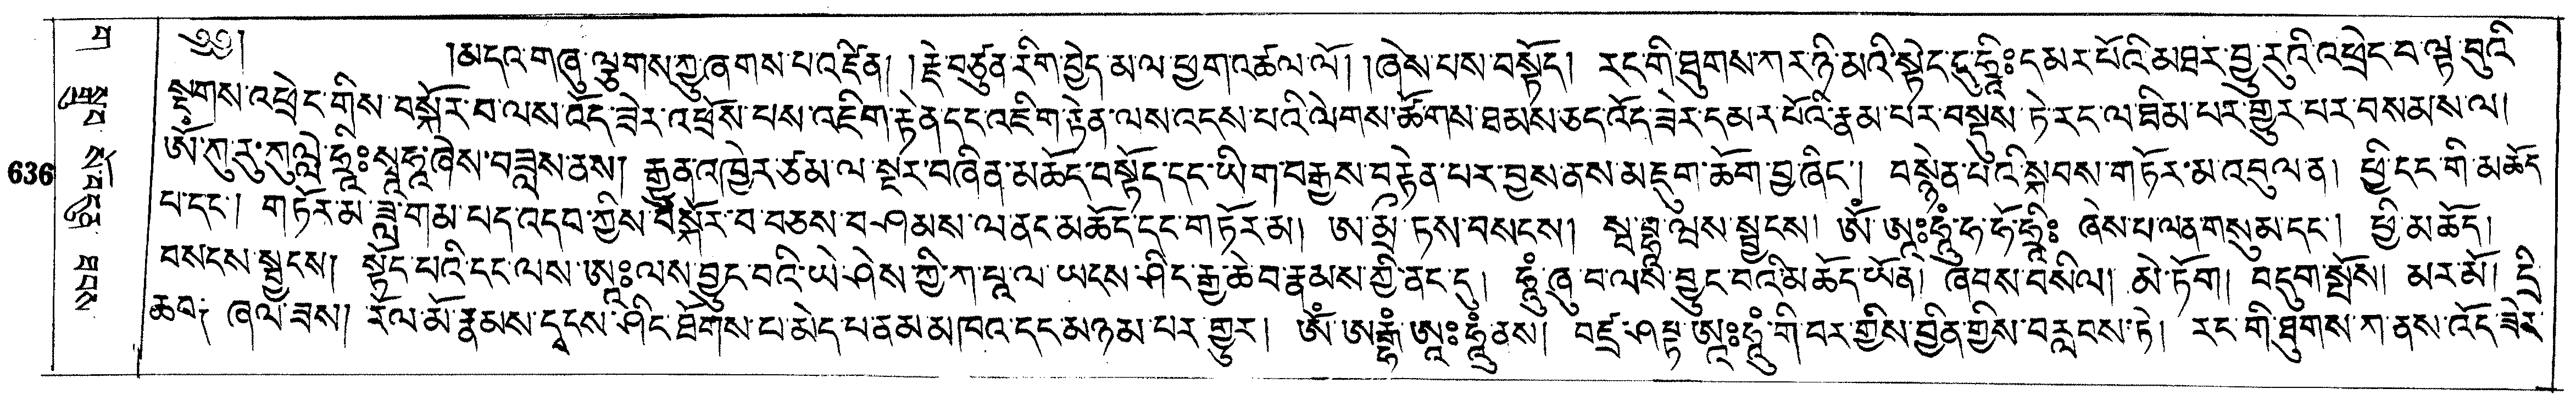༄༅། །མདའ་གཞུ་ལྕགས་ཀྱུ་ཞགས་པ་འཛིན། །རྗེ་བཙུན་རིག་བྱེད་མལ་ཕྱག་འཚལ་ལོ། །ཞེས་པས་བསྟོད། རང་གི་ཐུགས་ཀར་ཉི་མའི་སྟེང་དུ་ཧྲཱིཿ དམར་པོའི་མཐར་བྱུ་རུའི་འཕྲེང་བ་ལྟ་བུའི་
སྔགས་འཕྲེང་གིས་བསྐོར་བ་ལས་འོད་ཟེར་འཕྲོས་པས་འཇིག་རྟེན་དང་འཇིག་རྟེན་ལས་འདས་པའི་ལེགས་ཚོགས་ཐམས་ཅད་འོད་ཟེར་དམར་པོའི་རྣམ་པར་བསྡུས་ཏེ་རང་ལ་ཐིམ་པར་གྱུར་པར་བསམས་ལ།
ཨོཾ་ཀུ་རུ་ཀུ་ལླེ་ཧྲཱིཿ སྭཱཧཱ་ཞེས་བཟླས་ནས། རྒྱུན་འཁྱེར་ཙམ་ལ་སྔར་བཞིན་མཆོད་བསྟོད་དང་ཡིག་བརྒྱས་བརྟེན་པར་བྱས་ནས་མཇུག་ཆོག་བྱ་ཞིང་། བསྙེན་པའི་སྐབས་གཏོར་མ་འབུལ་ན། ཕྱི་དང་གི་མཆོད་
པ་དང་། གཏོར་མ་ཟླ་གམ་པད་འདབ་ཀྱིས་བསྐོར་བ་བཅས་བཤམས་ལ་ནང་མཆོད་དང་གཏོར་མ། ཨ་མྲྀ་ཏས་བསངས། སྭ་བྷཱ་ཝས་སྦྱངས། ཨོཾ་ཨཱཿ ཧཱུཾ་ཧ་ཧོ་ཧྲཱིཿ ཞེས་པ་ལན་གསུམ་དང་། ཕྱི་མཆོད།
བསངས་སྦྱངས། སྟོང་པའི་ངང་ལས་ཨཱཿ ལས་བྱུང་བའི་ཡེ་ཤེས་ཀྱི་ཀ་པཱ་ལ་ཡངས་ཤིང་རྒྱ་ཆེ་བ་རྣམས་ཀྱི་ནང་དུ། ཧཱུཾ་ཞུ་བ་ལས་བྱུང་བའི་མཆོད་ཡོན། ཞབས་བསིལ། མེ་ཏོག །བདུག་སྤོས། མར་མོ། དྲི་
ཆབ༑ ཞལ་ཟས། རོལ་མོ་རྣམས་དྭངས་ཤིང་ཐོགས་པ་མེད་པ་ནམ་མཁའ་དང་མཉམ་པར་གྱུར། ཨོཾ་ཨརྒྷཾ་ཨཱཿ ཧཱུཾ་ནས། བཛྲ་ཤཔྟ་ཨཱཿ ཧཱུཾ་གི་བར་གྱིས་བྱིན་གྱིས་བརླབས་ཏེ། རང་གི་ཐུགས་ཀ་ནས་འོད་ཟེར་